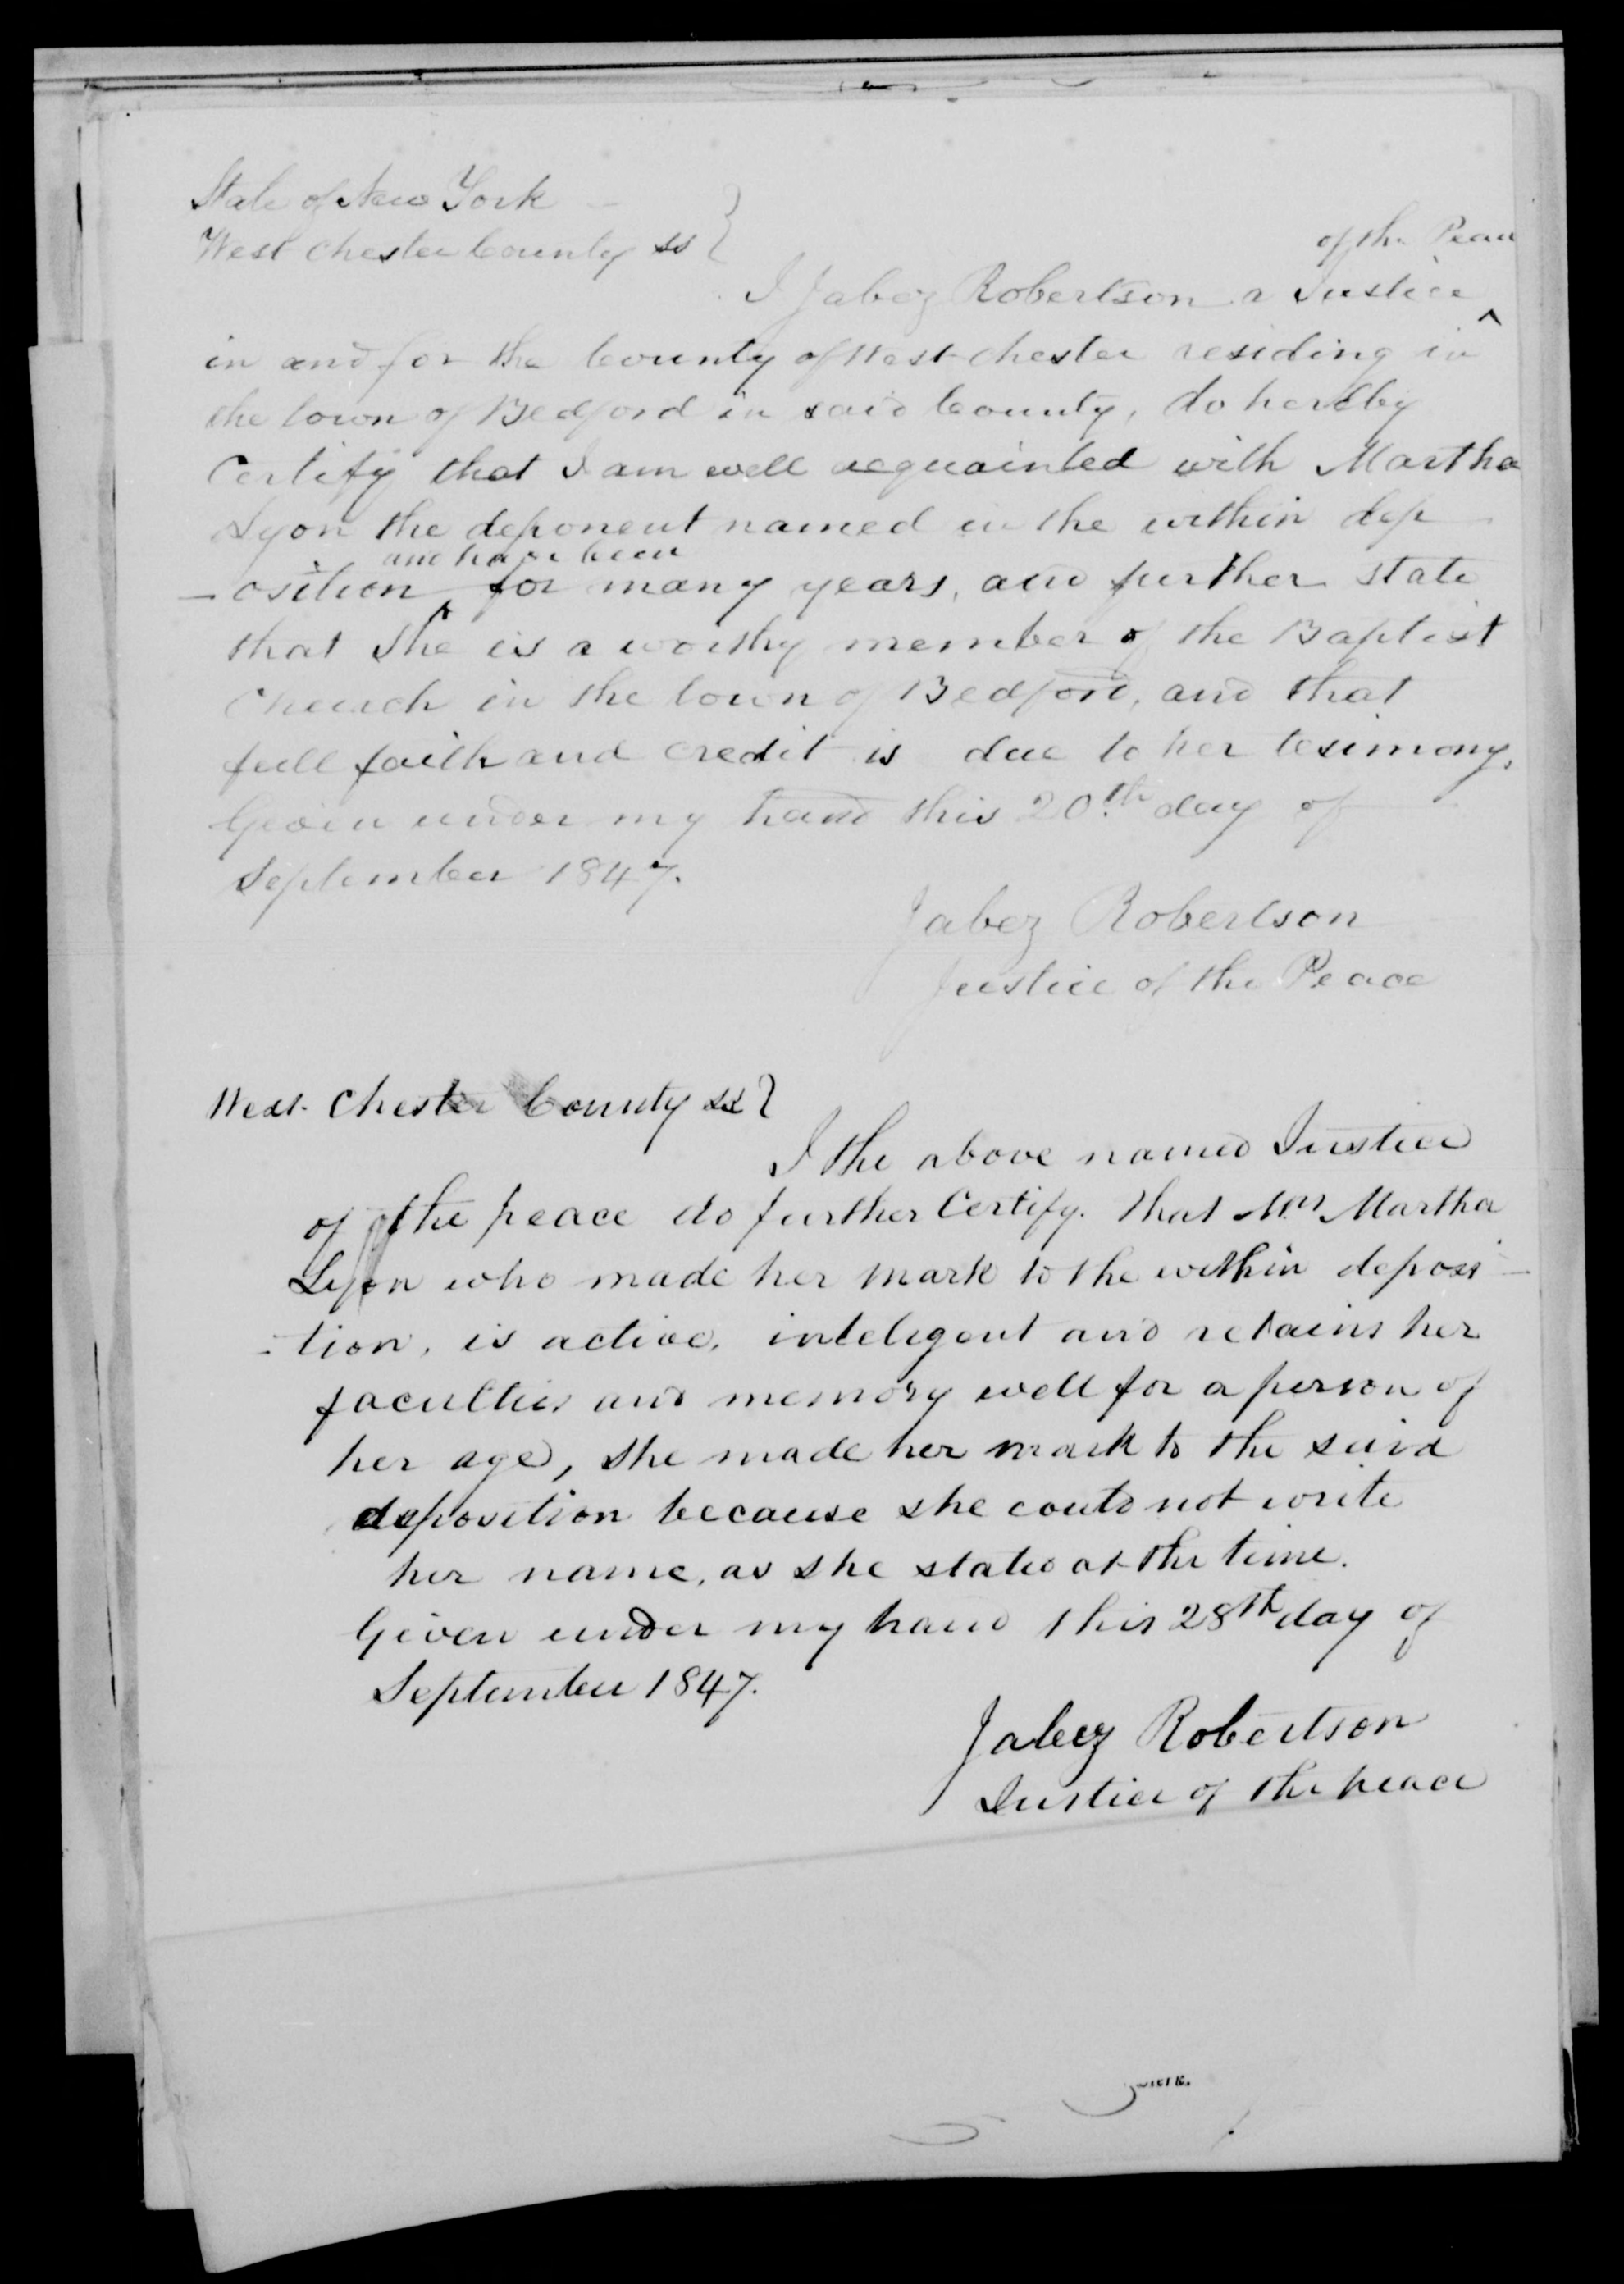State of New York
Westchester County ss:} 

I Jabez Robertson a Justice of the Peace in and for the County of Westchester residing in the town of Bedford in said County, do hereby certify that I am well acquainted with Martha Lyon the deponent named in the within deposition and have been for many years, and further state that she is a worthy member of the Baptist Church in the town of Bedford, and that full faith and credit is due to her testimony.  Given under my hand this 20th day of September 1847.  

Jabez Robertson
Justice of the Peace

Westchester County ss}

I the above named Justice of the Peace do further certify that Mrs Martha Lyon who made her mark to the within deposition, is active, inteligent  [intelligent] and retains her faculties and memory well for a person of her age, she made her mark to the said deposition because she could not write her name, as she stated at the time.  Given under my hand this 28th day of September 1847.  

Jabez Robertson
Justice of the Peace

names: Jabez Robertson; Martha Lyon; Jabez Robertson; Martha Lyon; Jabez Robertson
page: 11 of 77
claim: survivor's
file: S. 23003, for Silas Southerland, New York